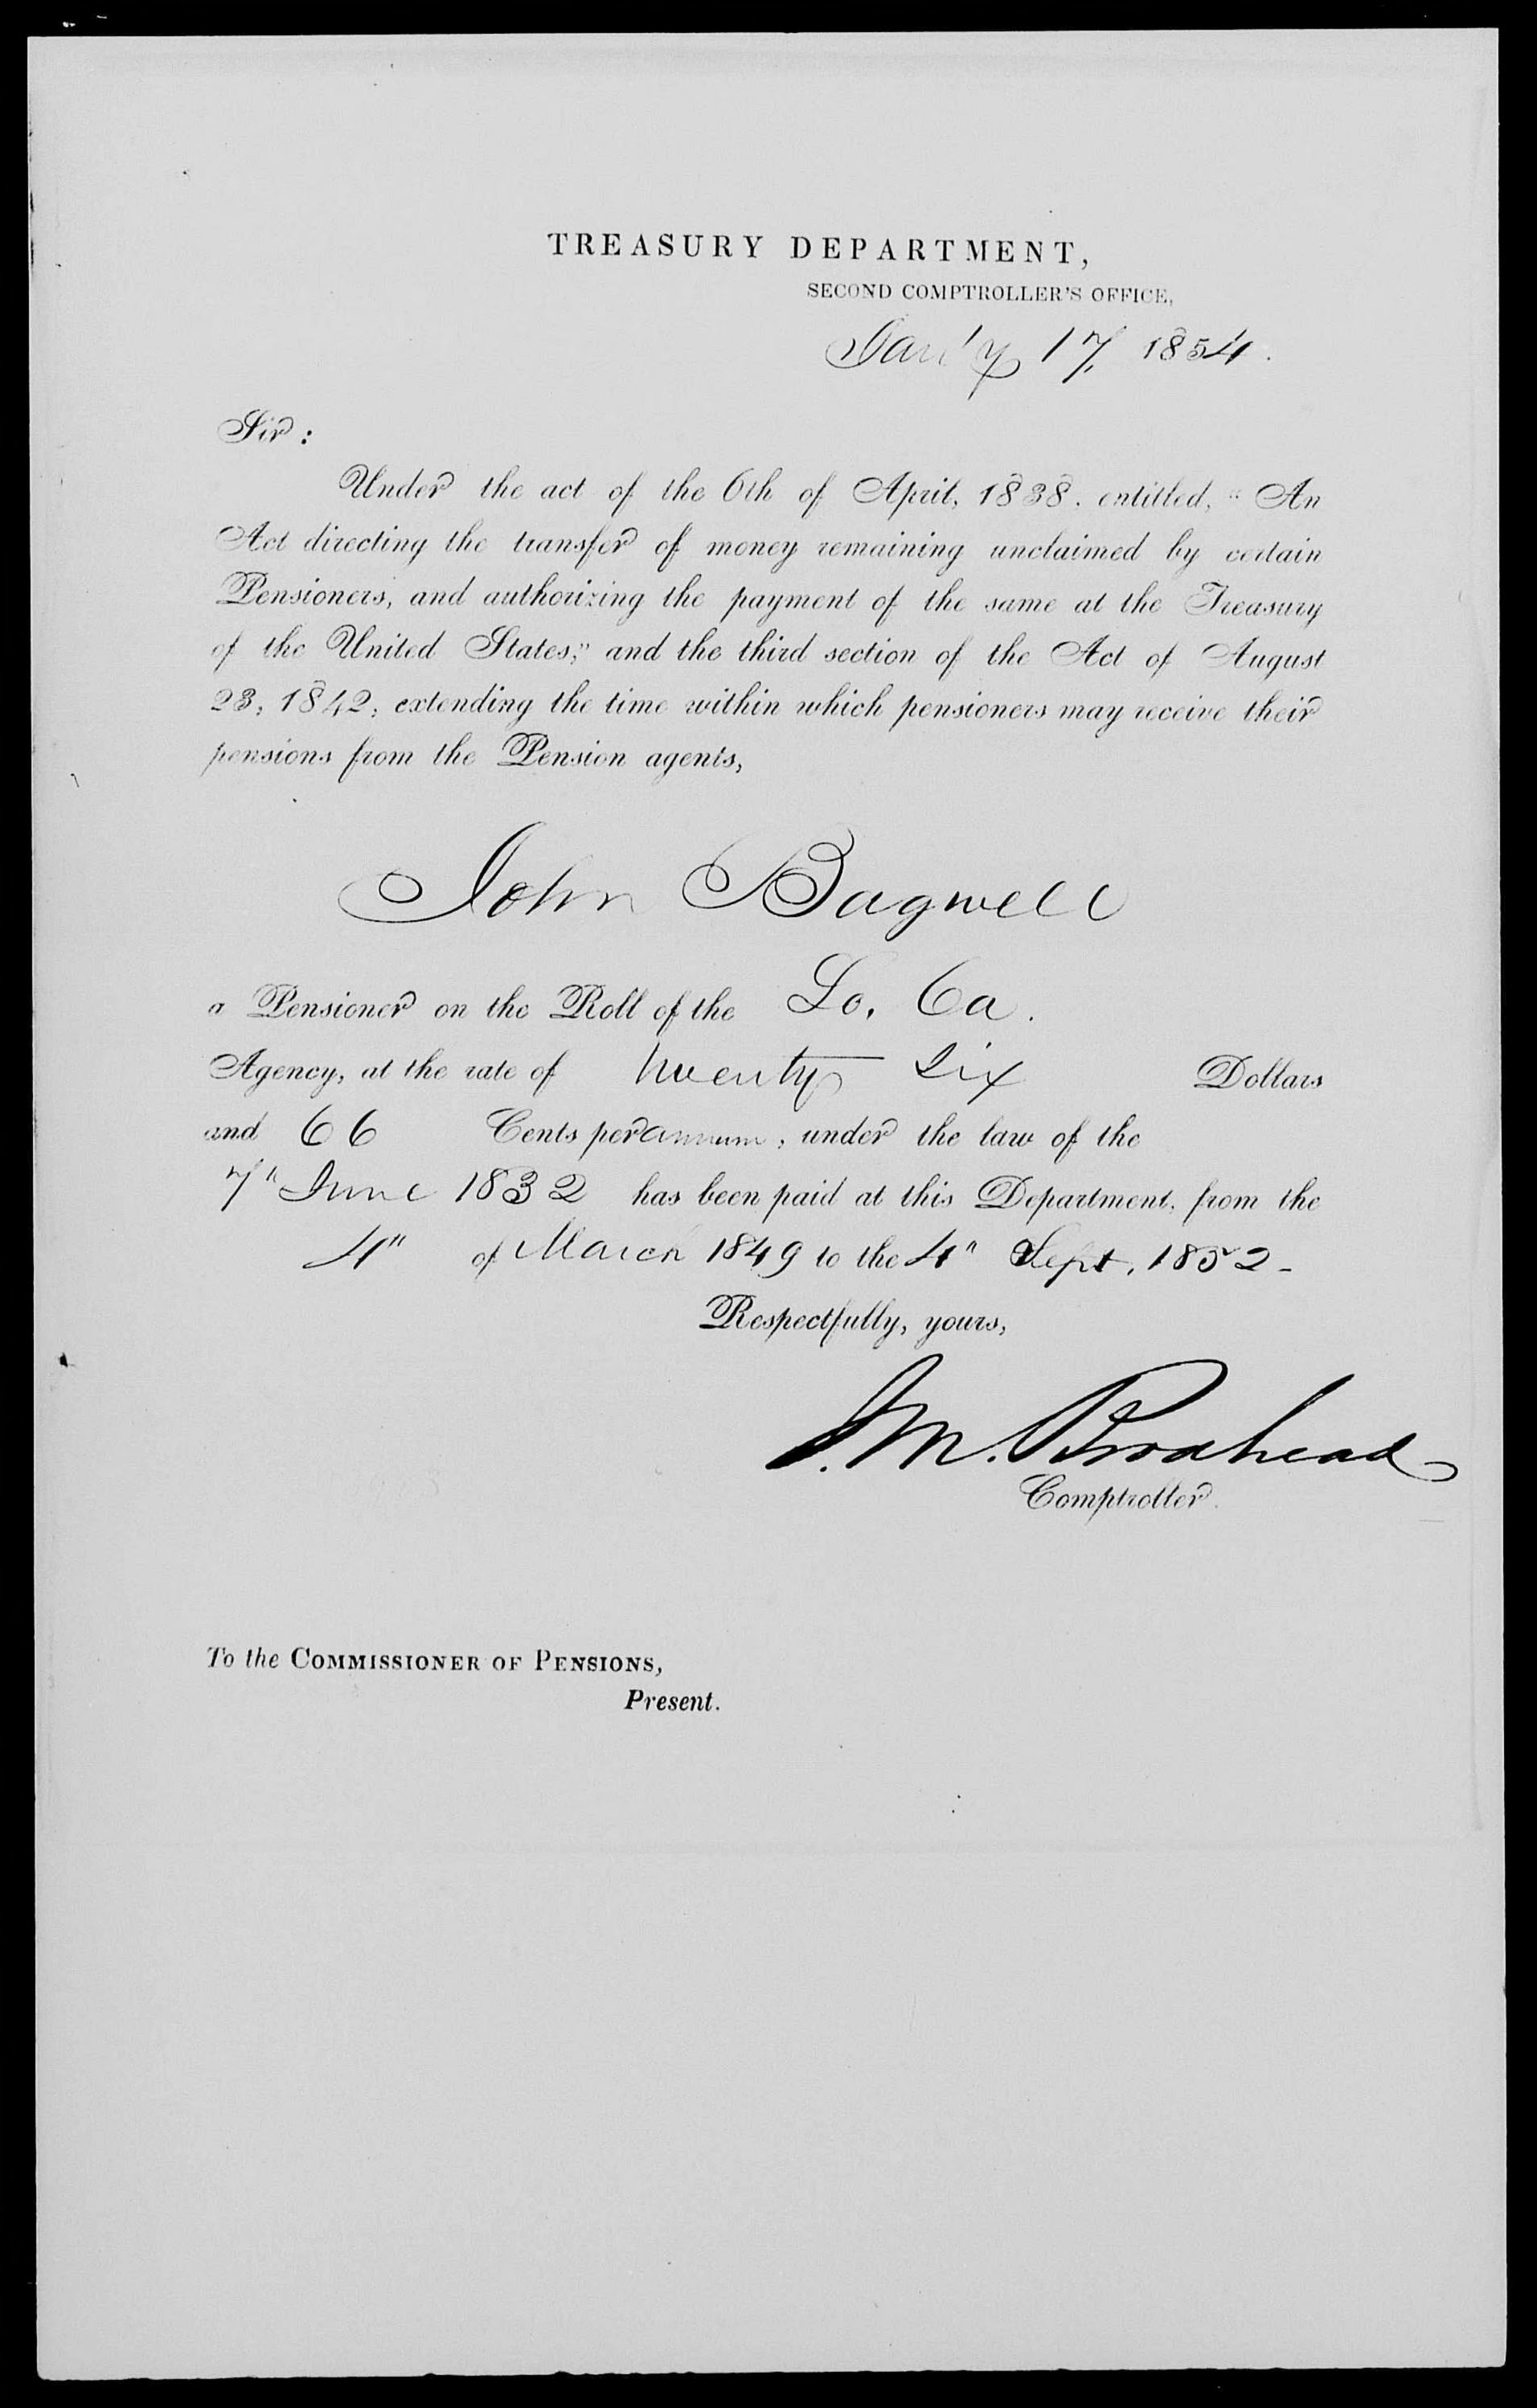Treasury Department, second comptroller's office, [illegible] 17, 1854. Sir: Under the act of the 6th of April, 1838, entitled, An Act directing the transfer of money remaining unclaimed by certain Pensioners, and authorizing the payment of the same at the Treasury of the United States, and the third section of the Act of August 28, 1842, extending the time within which pensioners may receive their pensions from the Pension agents,  John Bagwell a pensioner on the roll of the lo, 6a agency at the rate of twenty six dollars and 66 cents per annum, under the law of the 7th June 1832 has been paid at this Department, from the 4th of March 1849 to the 4th Sept, 1852 respectfully yours JM Brodhead comptroller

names: John Bagwell, J M Brodhead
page: 36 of 36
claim: survivor's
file: S 6571, John Bagwell, N.C.